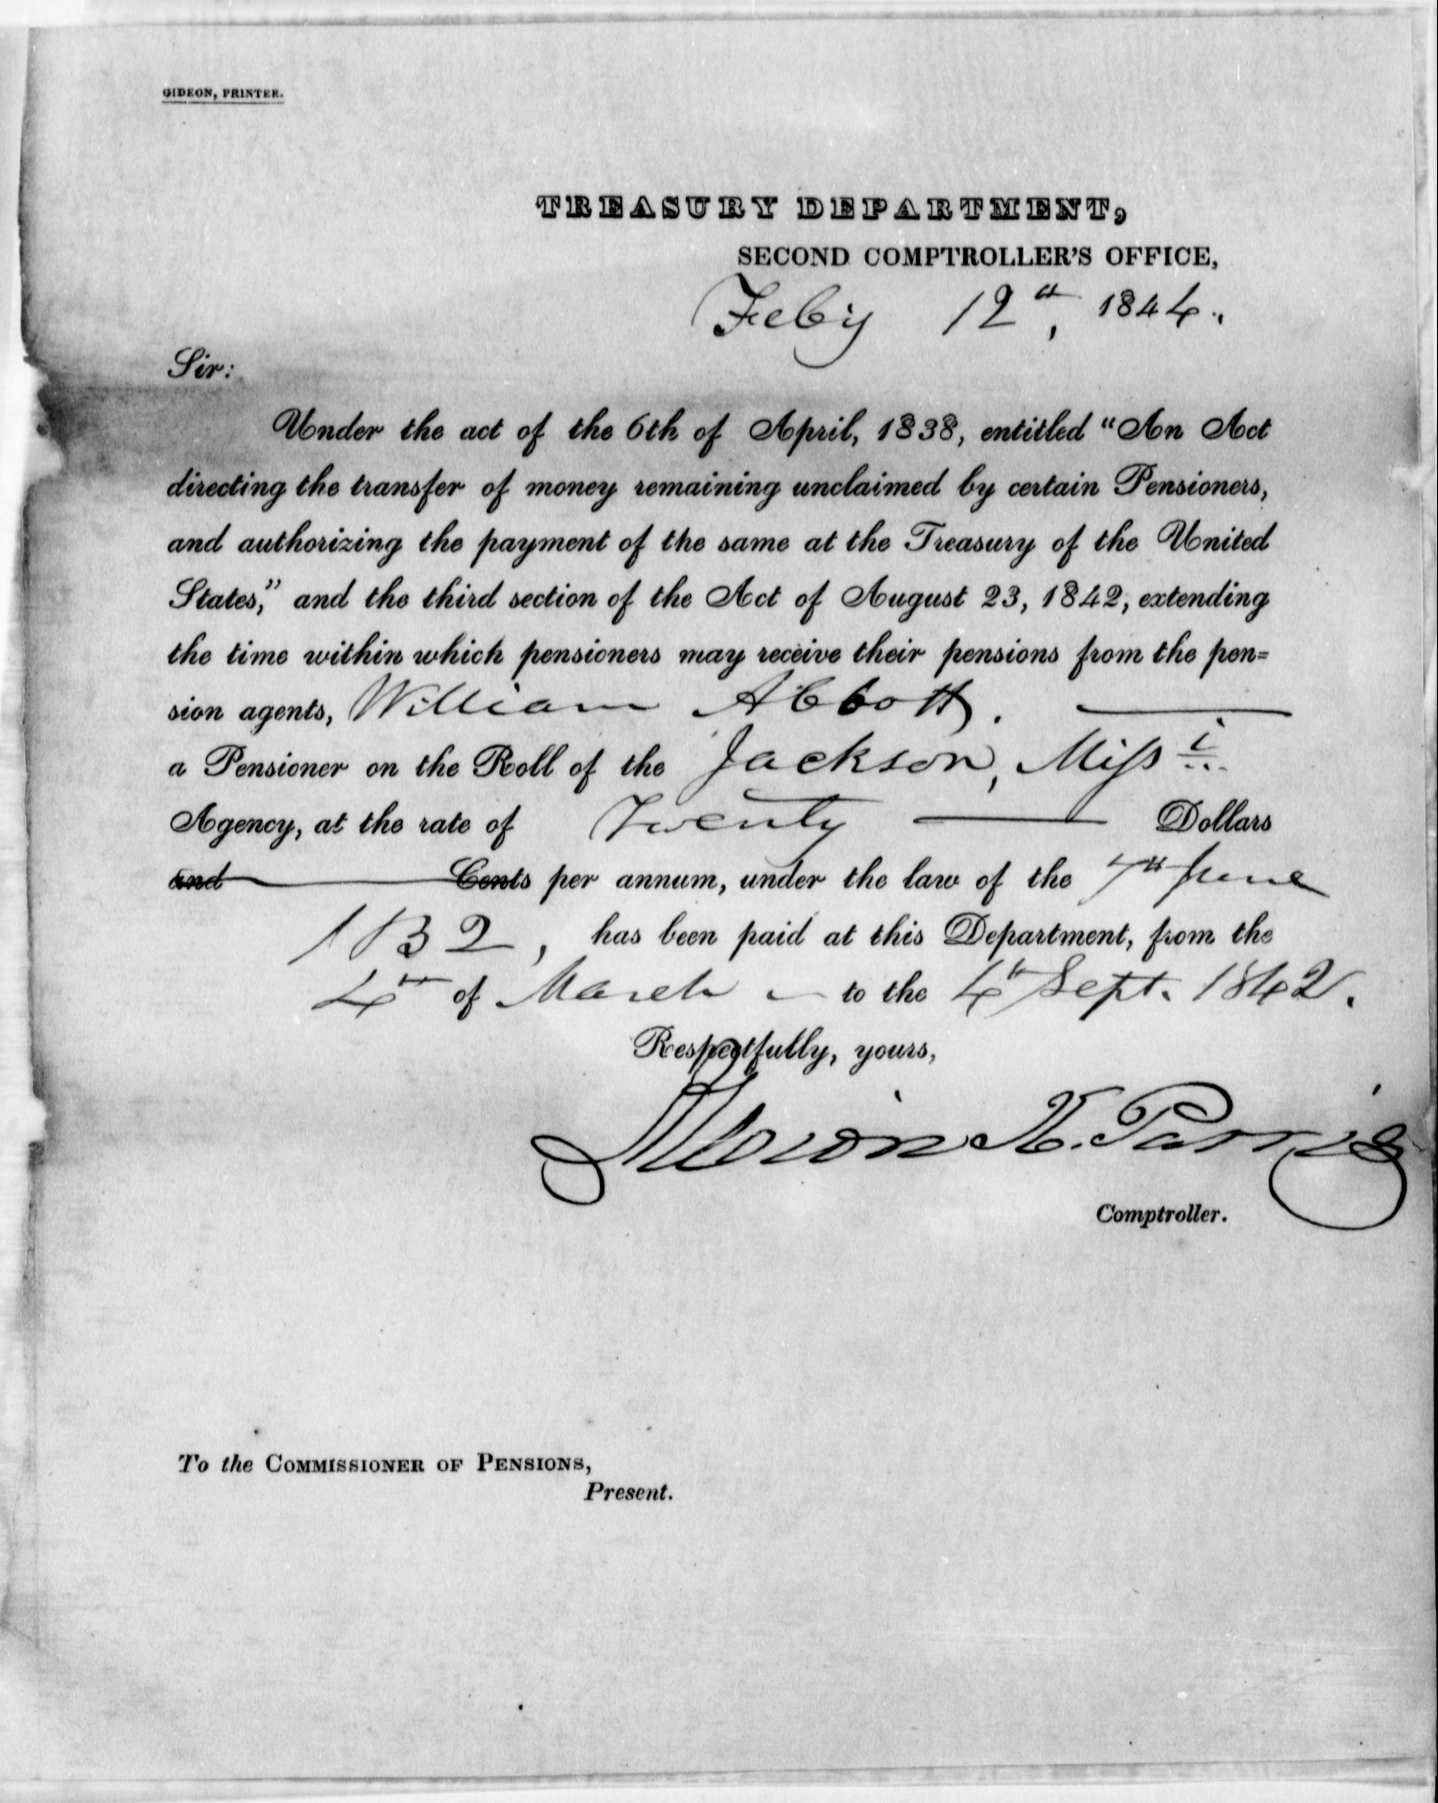GIDEON, PRINTER.

TREASURY DEPARTMENT,
SECOND COMPTROLLER'S OFFICE,
Feby 12th, 1844.

Sir:
Under the act of the 6th of April, 1838, entitled "An Act directing the transfer of money remaining unclaimed by certain Pensioners, and authorizing the payment of the same at the Treasury of the United States," and the third section of the Act of August 23, 1842, extending the time within which pensioners may receive their pensions from the pension agents, William Abbott, a Pensioner on the Roll of the Jackson, Missi. Agency, at the rate of Twenty Dollars per annum, under the law of the 7th June 1832, has been paid at this Department, from the 4th of March to the 4th Sept. 1842.
Respectfully, yours,
Albion K. Parris
Comptroller.

To the COMMISSIONER OF PENSIONS,
Present.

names: Albion K Parris, William Abbott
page: 38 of 38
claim: survivor's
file: S. 30. 239, William Abbott, S.C.